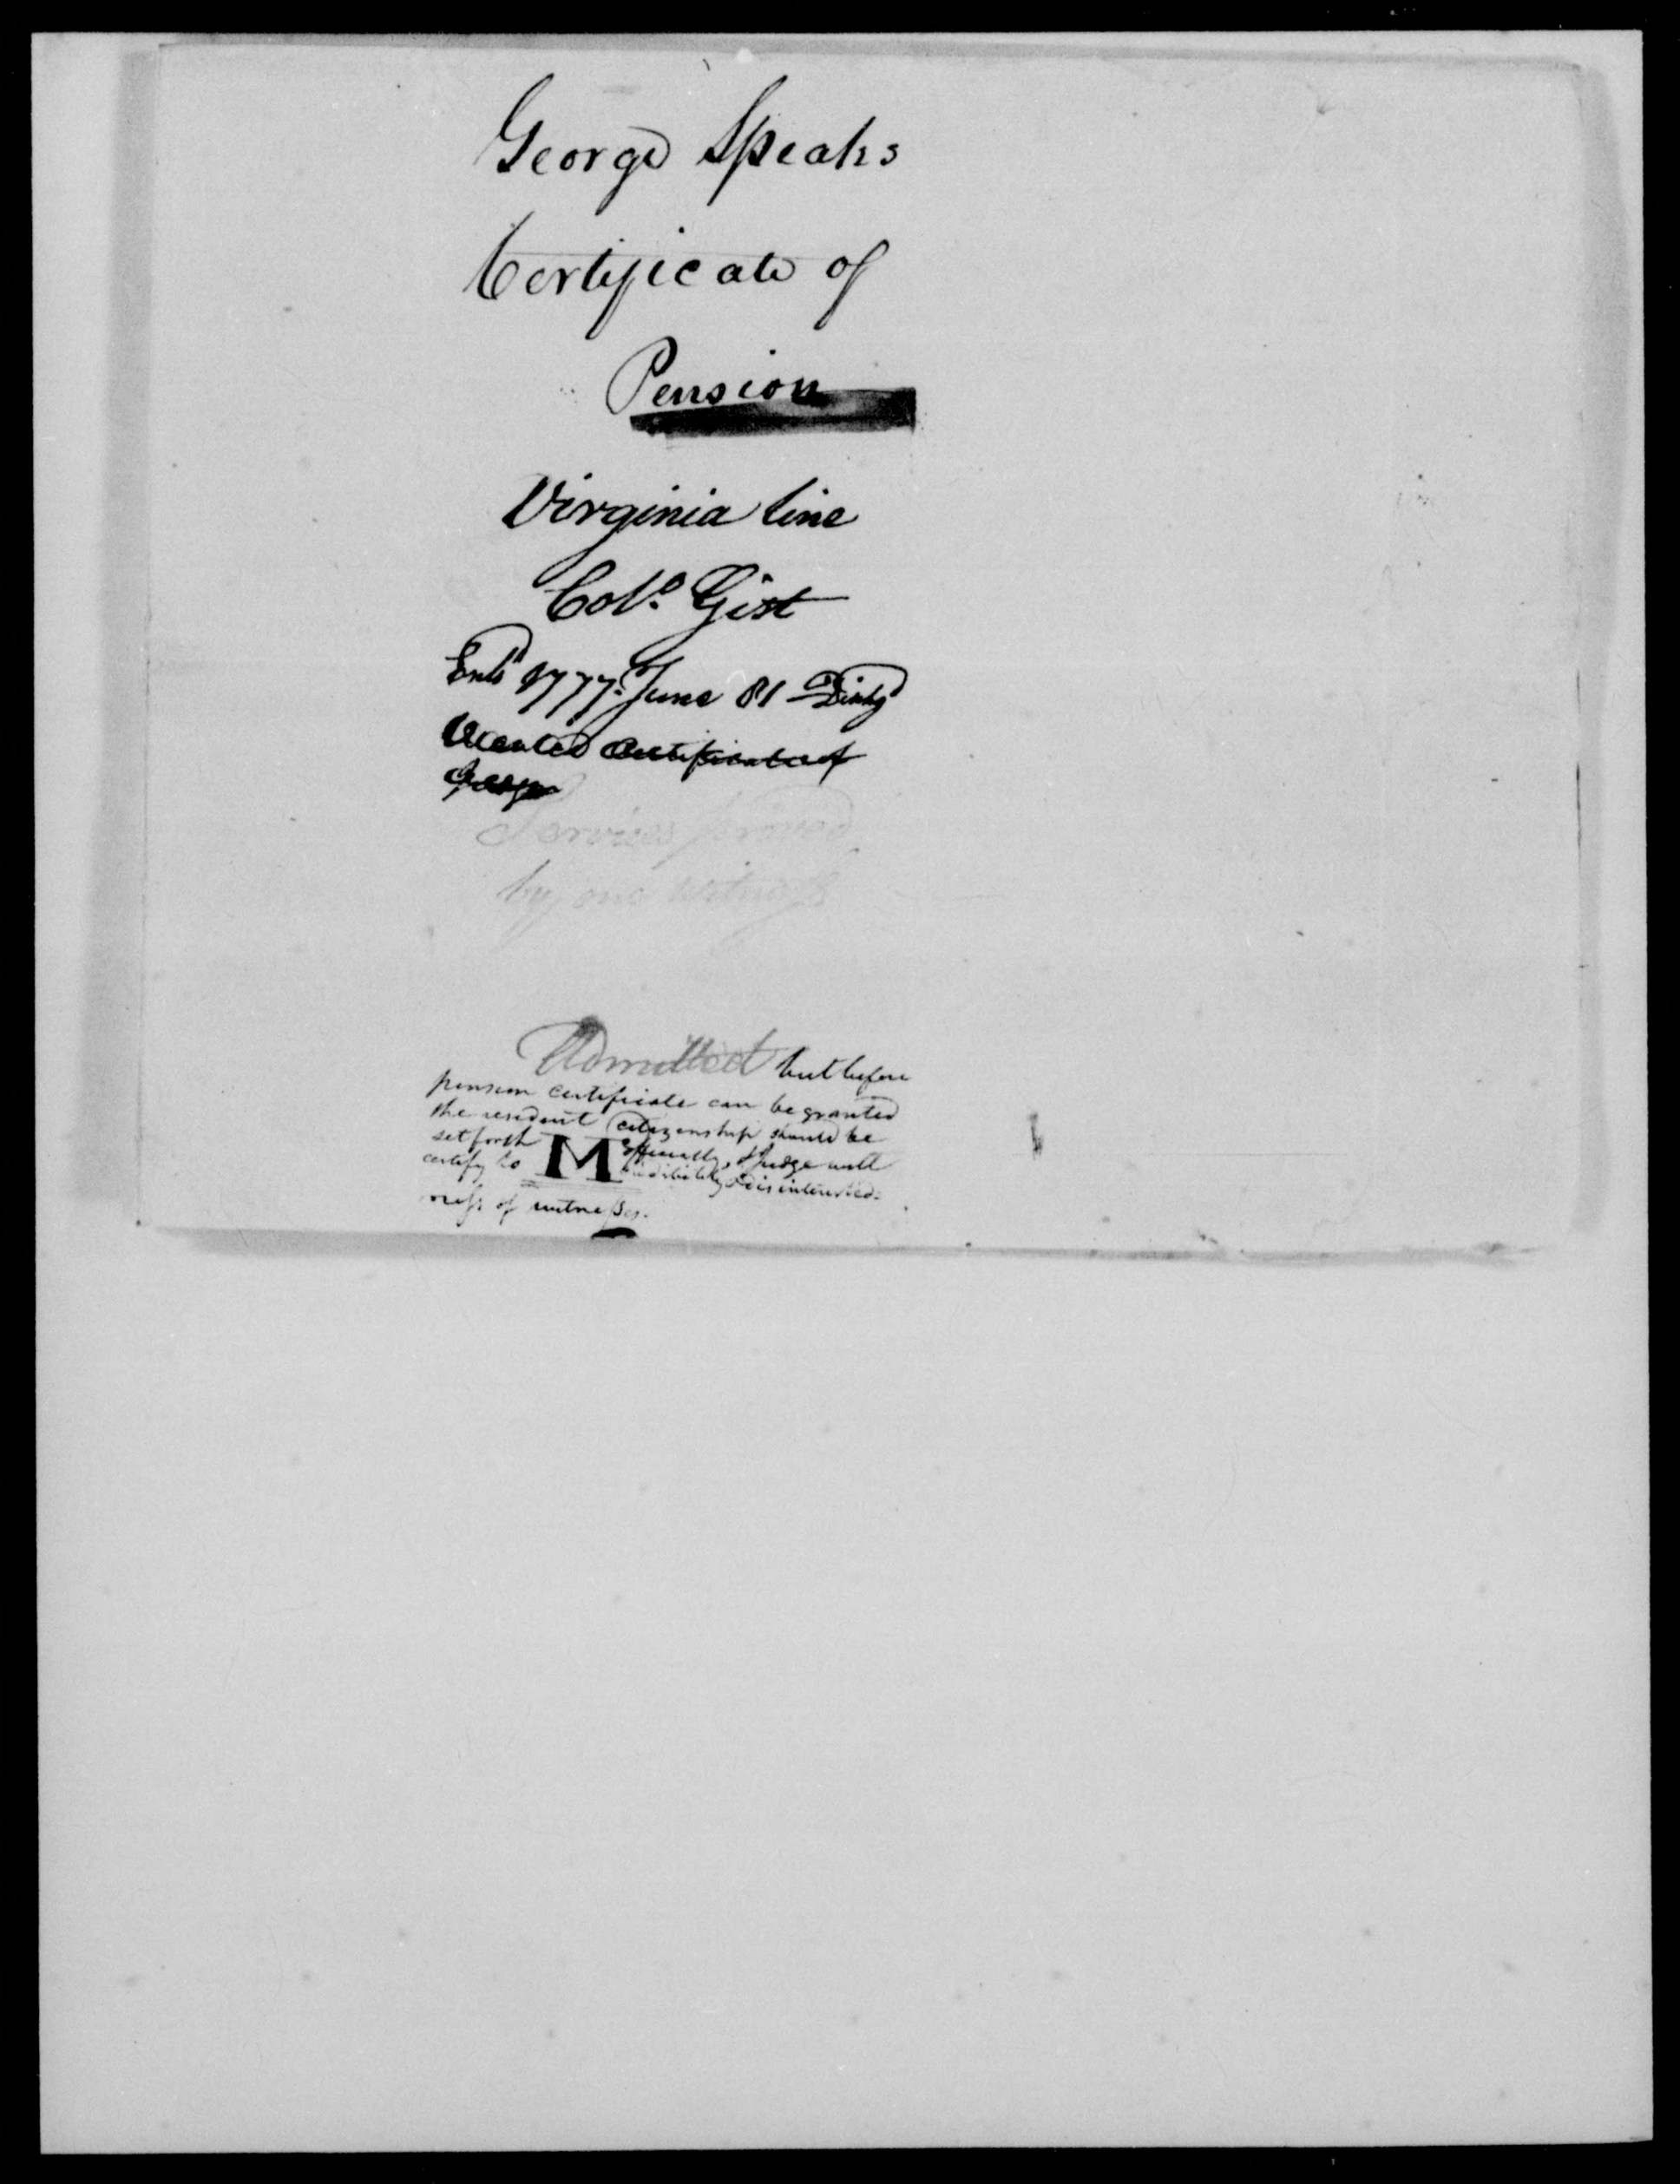Geoerge Speaks
Certificate of 
Pension
Virginia line
Col. Gist
Ent. 1777 June 1 - Disch'd

Admitted but before penson certificate can be granted the resident citizenship should be set forth officially & Judge will certify to his disability  & is interestedness of witnesses.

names: George Speak; [BLANK] Gist; [BLANK] Huntley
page: 6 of 15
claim: survivor's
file: S. 37,435, for George Speak, Virginia